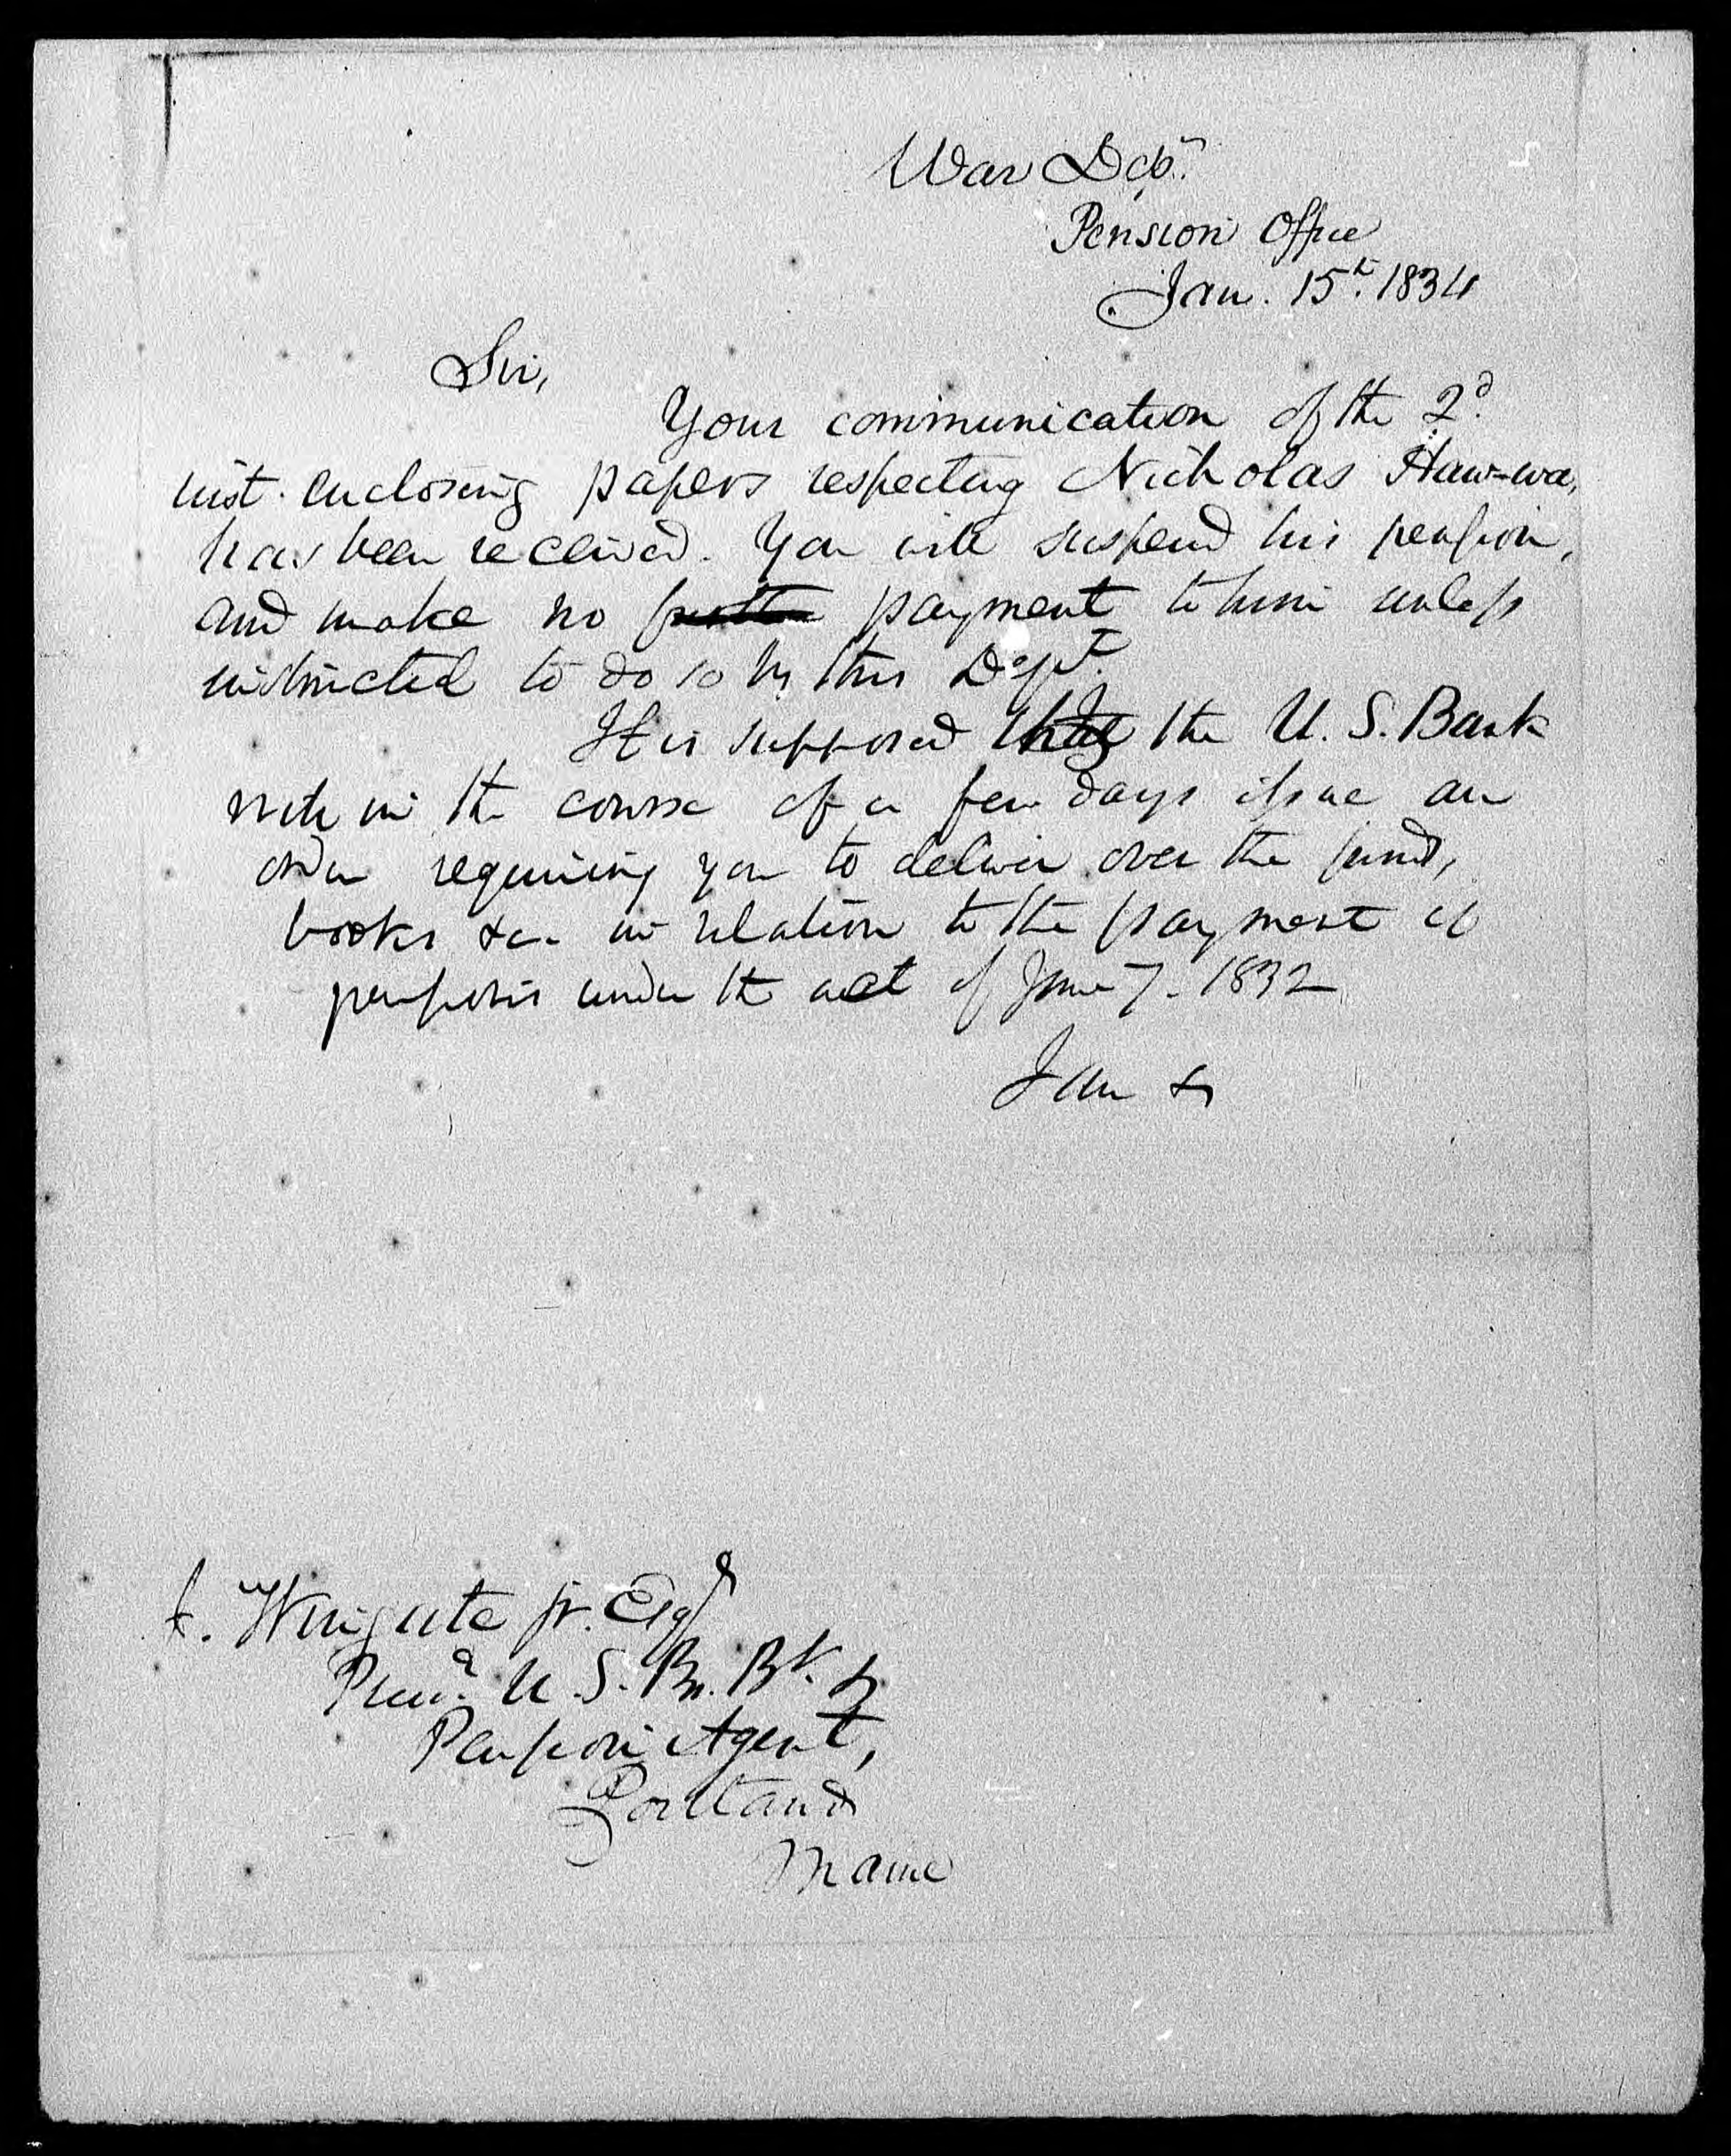War Dep.
Pension Office
Jan. 15th. 1836

Sir,

Your communication of the 2d. [?] enclosing papers respecting Nicholas Haw-wa, has been enclosed. You will suspend his pension, and make no [crossed out "further"] payment to him unless instructed to do so by this Dept.

It is supposed [crossed out "that"] the U.S. Bank with in the course of a few days [?] an [?] requiring you to deliver over the [fund], books [etc.] in relation to the payment of [pensions] under the act of Jan 7. 1832

[Jan ?]

J. Wingate Sr. [Esq]
[?] U. S. [B. Bs. ?]
Pension Agent
Portland
Maine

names: Nicholas Hawwa, J Wingate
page: 43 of 52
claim: survivor's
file: S 17997, Nicholas Hawwawas, Mass.